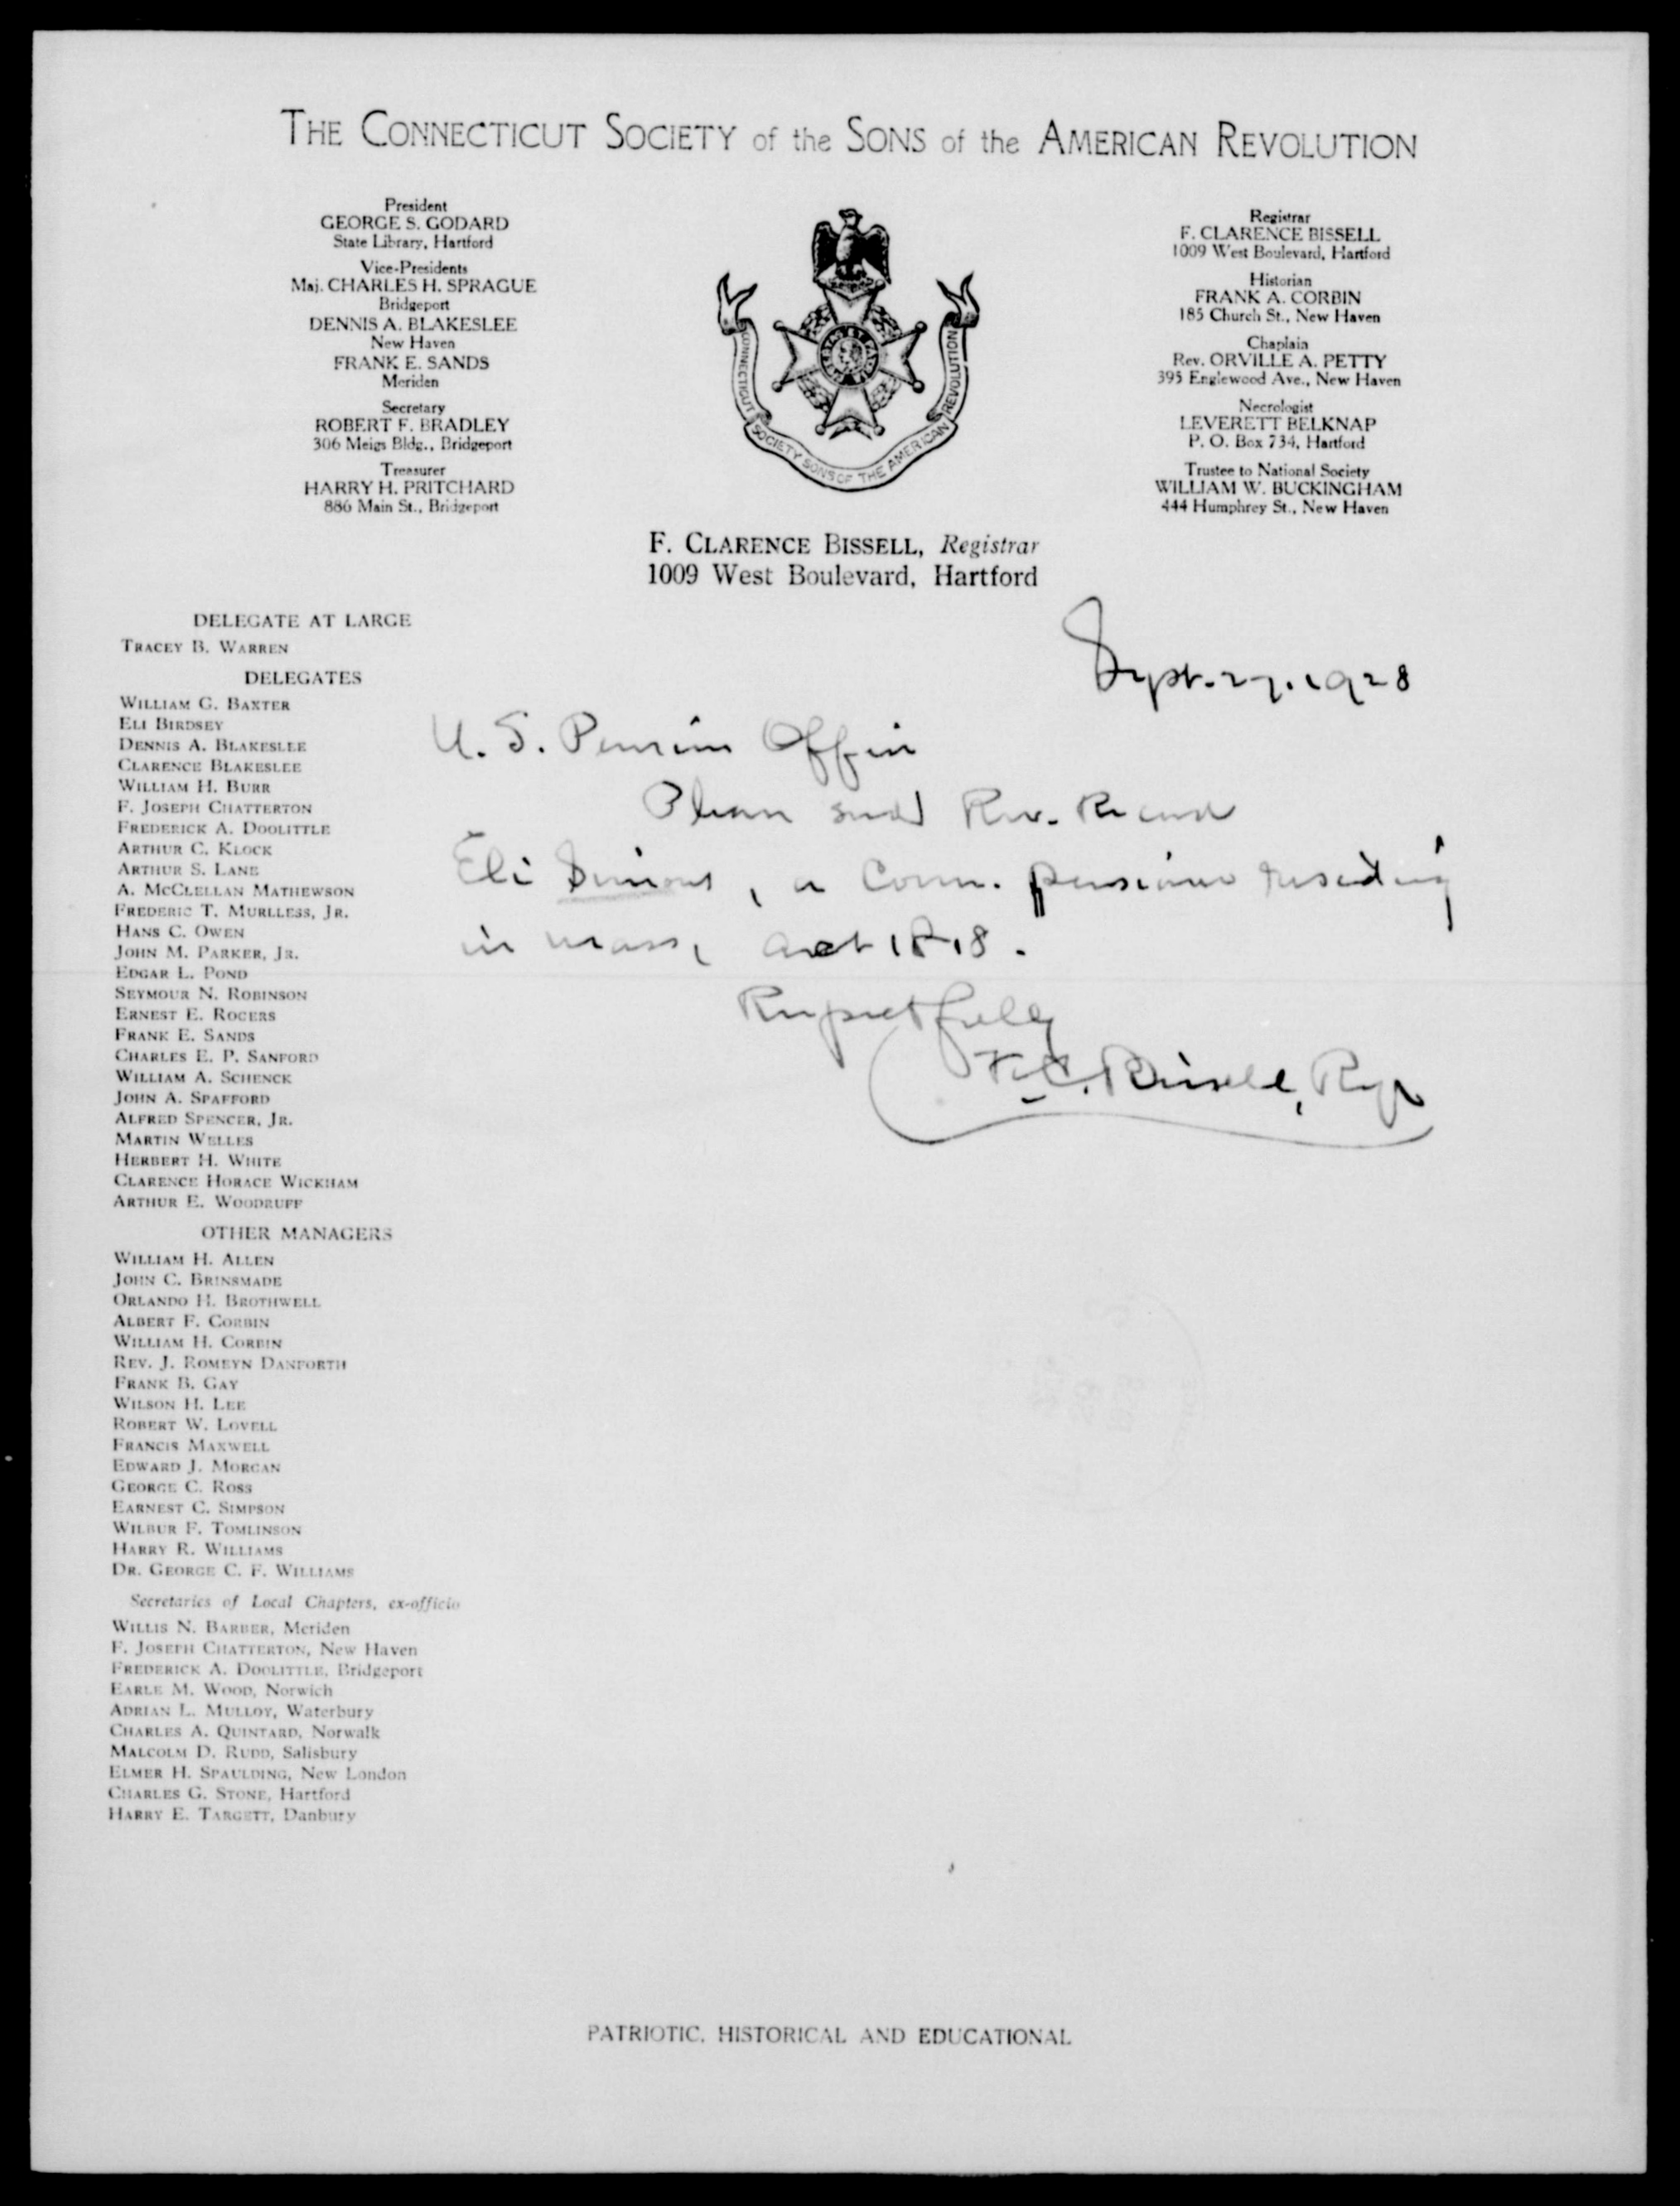The Connecticut Society of the Sons of the American Revolution

[insignia]

President
George S. Godard
State Library, Hartford
Vice-Presidents
Maj. Charles H. Sprague
Bridgeport
Dennis A. Blakeslee
New Haven
Frank E. Sands
Meriden
Secretary
Robert F. Bradley
306 Meigs Bldg., Bridgeport
Treasurer
Harry H. Pritchard
886 Main St., Bridgeport
Registrar
F. Clarence Bissell
1009 West Boulevard, Hartford
Historian
Frank A. Corbin
185 Church St., New Haven
Chaplain
Rev. Orville A. Petty
395 Englewood Ave., New Haven
Necrologist
Leverett Belknap
P. O. Box 734, Hartford
Trustee to National Society
William W. Buckingham
444 Humphrey St., New Haven

F. Clarence Bissell, Registrar
1009 West Boulevard, Hartford

Sept. 27. 1928
U.S. Pension Office
Please send Rev. Record Eli Simons, a Conn. pensioner residing in Mass, Act 1818.
Respectfully,
F.C. Bissell, Reg

Delegate at Large
Tracey B. Warren

Delegates
William G. Baxter
Eli Birdsey
Dennis A. Blakeslee
Clarence Blakeslee
William H. Burr
F. Joseph Chatterton
Frederick A. Doolittle
Arthur C. Klock
Arthur S. Lane
A. McClellan Mathewson
Frederic T. Murlless, Jr.
Hans C. Owen
John M. Parker, Jr.
Edgar L. Pond
Seymour N. Robinson
Ernest E. Rogers
Frank E. Sands
Charles E. P. Sanford
William A. Schenck
John A. Spafford
Alfred Spencer, Jr.
Martin Welles
Herbert H. White
Clarence Horace Wickham
Arthur E. Woodruff

Other Managers
William H. Allen
John C. Brinsmade
Orlando H. Brothwell
Albert F. Corbin
William H. Corbin
Rev. J. Romeyn Danforth
Frank B. Gay
Wilson H. Lee
Robert W. Lovell
Francis Maxwell
Edward J. Morgan
George C. Ross
Earnest C. Simpson
Wilbur F. Tomlinson
Harry R. Williams
Dr. George C. F. Williams

Secretaries of Local Chapters, ex-officio
Willis N. Barber, Meriden
F. Joseph Chatterton, New Haven
Frederick A. Doolittle, Bridgeport
Earle M. Wood, Norwich
Adrian L. Mulloy, Waterbury
Charles A. Quintard, Norwalk
Malcolm D. Rudd, Salisbury
Elmer H. Spaulding, New London
Charles G. Stone, Hartford
Harry E. Targett, Danbury

Patriotic Historical and Educational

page: 18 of 20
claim: survivor's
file: S 33668, for Eli Simons, Connecticut